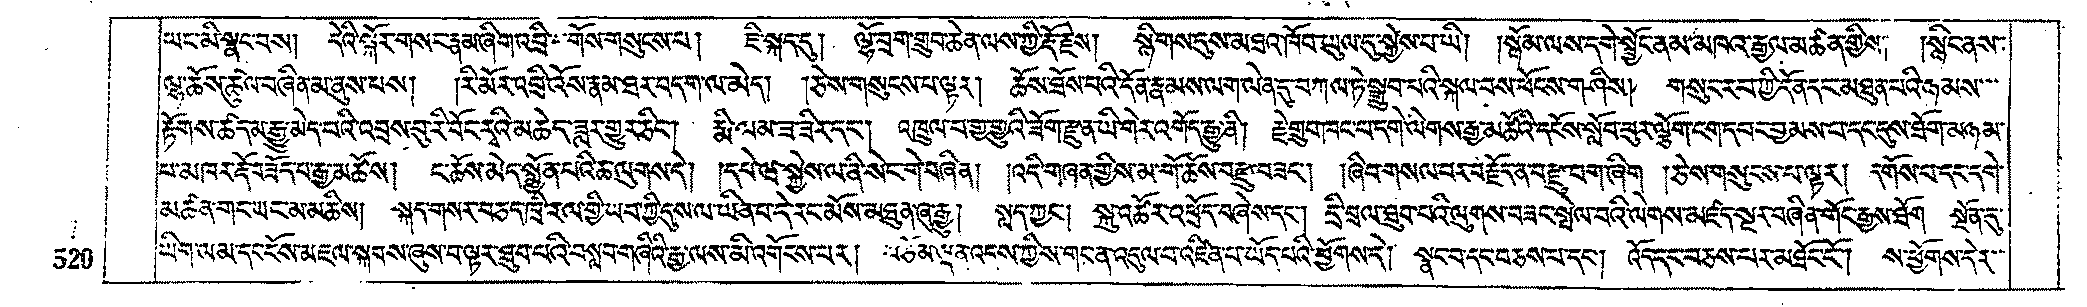ཡང་མི་སྣང་བས། དེའི་སྐོར་གསང་རྣམ་ཞིག་འབྲི་དགོས་གསུངས་པ། ཇི་སྐད་དུ། ལྷོ་བྲག་གྲུབ་ཆེན་ལས་ཀྱི་རྡོ་རྗེས། སྙིགས་དུས་མཐའ་ཁོབ་ཡུལ་དུ་སྐྱེས་པ་ཡི། །སྙོམ་ལས་དགེ་སྦྱོང་ནམ་མཁའ་རྒྱལ་མཚན་གྱིས། །སྙིང་ནས་་་
ལྷ་ཆོས་ཚུལ་བཞིན་མ་ནུས་པས། །རི་མོར་འབྲི་འོས་རྣམ་ཐར་བདག་ལ་མེད། །ཅེས་གསུངས་པ་ལྟར། ཆོས་ཐོས་པའི་དོན་རྣམས་ལག་ལེན་དུ་བཀལ་ཏེ་སྒྲུབ་པའི་སྐལ་བས་ཕོངས་གཤིས། གསུང་རབ་ཀྱི་དོན་དང་མཐུན་པའི་ཉམྶ་་་
རྟོགས་ཚད་མ་རྒྱུ་མེད་པའི་འབྲས་བུ་རི་བོང་རྭའི་མཆེད་ཟླར་གྱུར་ཅིང་། རྨི་ལམ་ཟ་ཟིར་དང་། འཁྲུལ་པ་གྱ་གྱུའི་ཟོག་རྫུན་ཡི་གེར་འགོད་རྒྱུ་ནི། རྗེ་གྲུབ་ཁང་པ་དགེ་ལེགས་རྒྱ་མཚོའི་དངོས་སློབ་ཕུར་ལྕོག་ངག་དབང་བྱམས་པ་དང་དུས་ཐོག་མཉམ་
པ་མཁར་རྡོ་བཟོད་པ་རྒྱ་མཚོས། ང་ཆོས་མེད་སྨྱོན་པའི་ཆ་ལུགས་དེ། །དཔེ་ལྭ་སྐྱེས་ལ་ནི་སེང་གེ་བཞིན། །འདི་གཞན་གྱིས་མ་གོ་ཆོས་བརྫུ་བཟང་། །ཞིབ་གསལ་བར་བརྗོད་ན་བརྫུ་བག་ཞིག །ཅེས་གསུངས་པ་ལྟར། དགོས་པ་དང་དགེ་
མཚན་གང་ཡང་མ་མཆིས། སྐད་གསར་བཅད་ཁྲི་རལ་གྱི་ཡབ་ཀྱི་དུས་ལ་ཡིན་པ་དེ་རང་མོས་མཐུན་ཞུ་རྒྱུ། སླད་ཀྱང་། སྐུ་མཚོར་འཕྲོད་བཞེས་དང་། དྲི་བྲལ་ཐུབ་པའི་ལུགས་བཟང་སྤེལ་བའི་ལེགས་མཛད་སྔར་བཞིན་གོང་རྒྱས་ཐོག་སྔོན་།སྔོན་དུ་
ཡིག་ལམ་དང་ངོས་མཇའ་སྐབས་ཞུས་པ་ལྟར་ཐུབ་པའི་བསླབ་གཞིའི་རྒྱ་ལས་མི་འགོངས་པར། བཅོམ་ལྡན་འདས་ཀྱིས་གང་ན་འདུལ་བ་འཛིན་པ་ཡོད་པའི་ཕྱོགས་དེ། སྣང་བ་དང་བཅས་པ་དང་། འོད་དང་བཅས་པར་མཐོང་ངོ། ས་ཕྱོགས་དེར་་་